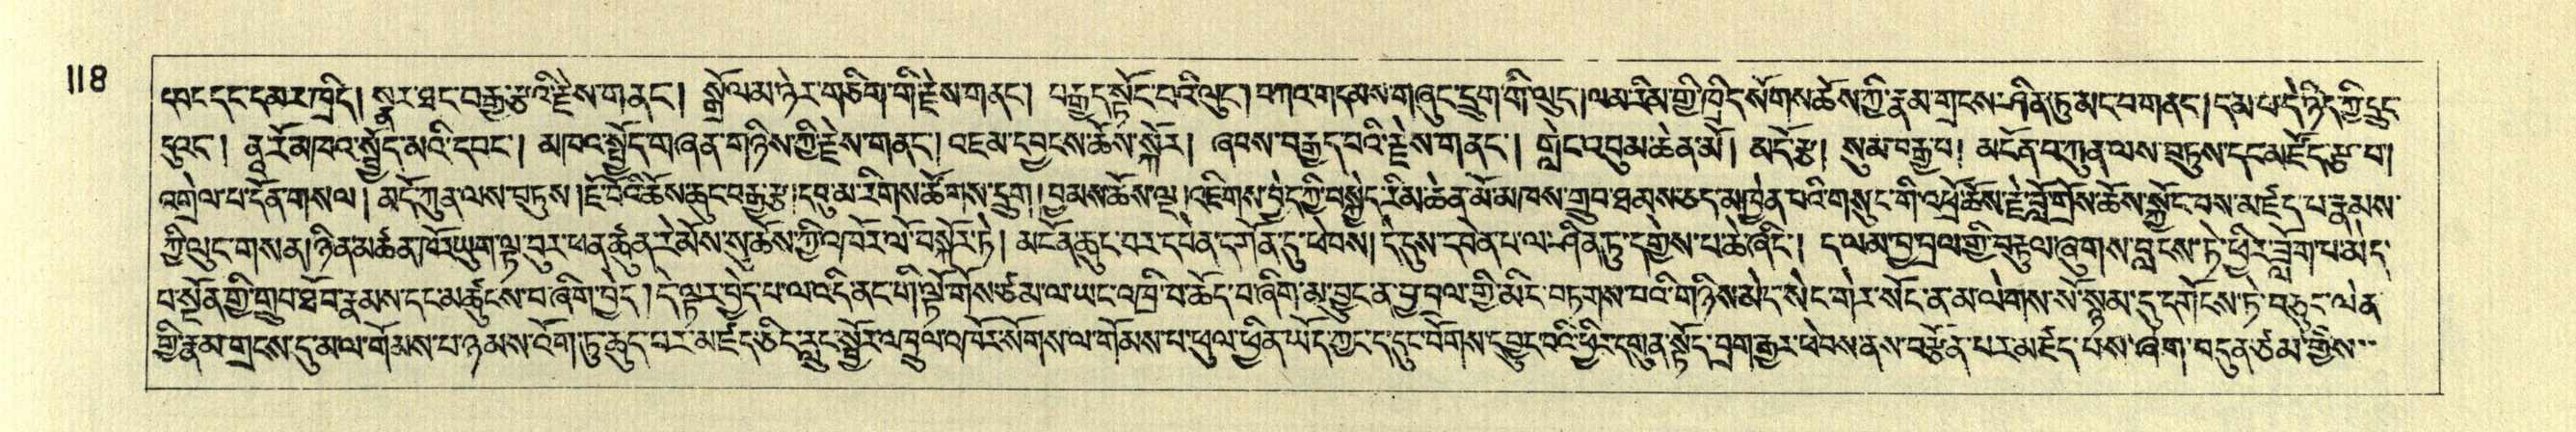དབང་དང་དམར་ཁྲིད། སྣར་ཐང་བརྒྱ་རྩའི་རྗེས་གནང་། སྒྲོལ་མ་ཉེར་གཅིག་གི་རྗེས་གནང་། བརྒྱད་སྟོང་བའི་ལུང་། བཀའ་གདམས་གཞུང་དྲུག་གི་ལུང་། ལམ་རིམ་གྱི་ཁྲིད་སོགས་ཆོས་ཀྱི་རྣམ་གྲངས་ཤིན་ཏུ་མང་བ་གནང་། དམ་པ་དེ་ཉིད་ཀྱི་དྲུང་
དུའང་། ནཱ་རོ་མཁའ་སྦྱོད་མའི་དབང་། མཁའ་སྤྱོད་གཞན་གཉིས་ཀྱི་རྗེས་གནང་། འཇམ་དབྱངས་ཆོས་སྐོར། ཞབས་བརྒྱད་པའི་རྗེས་གནང་། གླེང་འབུམ་ཆེན་མོ། མདོ་རྩ། སུམ་བརྒྱ་པ། མངོན་བ་ཀུན་ལས་བཏུས་དང་མཛོད་རྩ་པ།
འགྲེལ་པ་དོན་གསལ། མདོ་ཀུན་ལས་བཏུས་།ཇོ་བོའི་ཆོས་ཆུང་བརྒྱ་རྩ། དབུ་མ་རིགས་ཚོགས་དྲུག། བྱམས་ཆོས་ལྔ། འཇིགས་བྱེད་ཀྱི་བསྐྱེད་རིམ་ཆེན་མོ་མཁས་གྲུབ་ཐམས་ཅད་མཁྱེན་པའི་གསུང་གི་འཕྲོ་ཆོས་རྗེ་བློ་གྲོས་ཆོས་སྐྱོང་བས་མཛད་པ་རྣམས་
ཀྱི་ལུང་གསན། ཉིན་མཚན་ཁོར་ཡུག་ལྟ་བུར་ཕན་ཚུན་རེ་མོས་སུ་ཆོས་ཀྱི་འཁོར་ལོ་བསྐོར་ཏེ། མངོན་ཆུང་བར་དཔེན་དགོན་དུ་ཕེབས། དེ་དུས་དབེན་པ་ལ་ཤིན་ཏུ་དགྱེས་པ་ཆེ་ཞིང་། ད་ལམ་བྱ་བྲལ་གྱི་བརྟུལ་ཞུགས་བླངས་ཏེ་ཕྱིར་ཟློག་པ་མེད་
པ་སྔོན་གྱི་གྲུབ་ཐོབ་རྣམས་དང་མཚུངས་པ་ཞིག་བྱེད། དེ་ལྟར་བྱེད་པ་ལ་འདི་ནང་གི་ལྟོ་གོས་ཙམ་ལ་ཡང་འཁྲི་བ་ཆོད་བ་ཞིག་མ་བྱུང་ན་བྱ་བྲལ་གྱི་མིང་བཏགས་པའི་གཉིས་མེད་སེང་གེར་སོང་ན་མ་ལེགས་སོ་སྙམ་དུ་དགོངས་ཏེ་བཅུང་ལེན་
གྱི་རྣམ་གྲངས་དུ་མ་ལ་གོམས་པ་ཉམས་འོག་ཏུ་ཆུད་པར་མཛད་ཅིང་རླུང་སྦྱོར་འཁྲུལ་འཁོར་སོགས་ལ་གོམས་པ་ཕུལ་ཕྱིན་ཡོད་ཀྱང་ད་དུང་བོགས་དབྱུང་བའི་ཕྱིར་དགུན་སྟོད་བྲག་རྒྱར་ཕེབས་ནས་བརྩོན་པར་མཛད་པས་ཞག་བདུན་ཙམ་གྱིས་